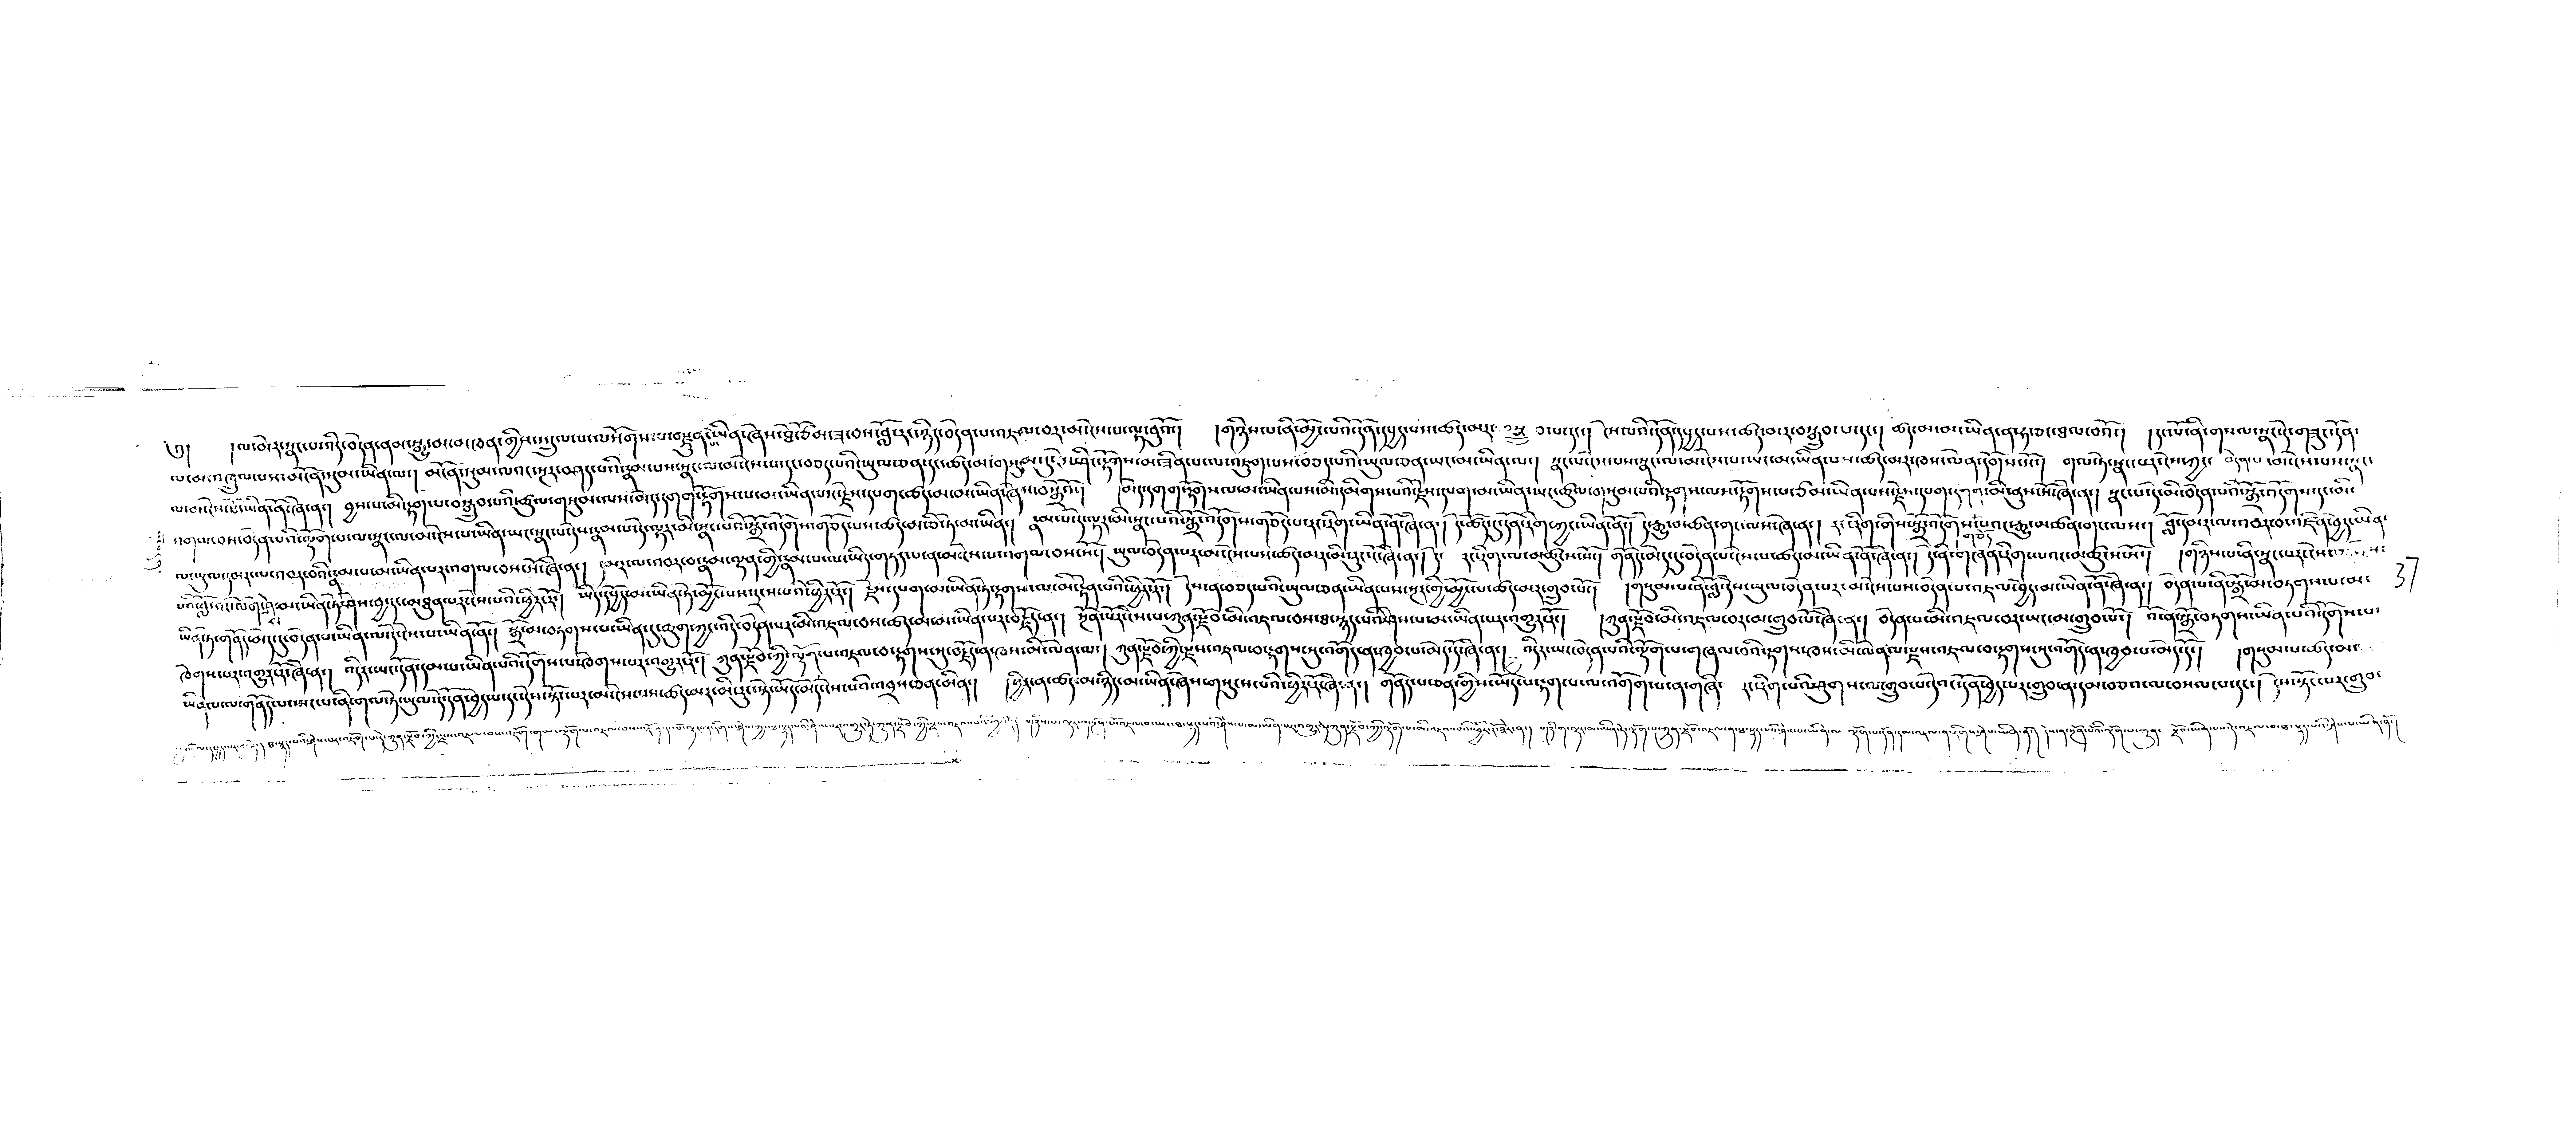༈། །ལ་ཆེར་སྣང་པ་འདི་བདེན་ནམ་སྒྱུ་མ་མཁན་གྱིས་སྤྲུལ་པ་ལ་སོགས་པ་བརྫུན་པ་ཡིན་ཞེས་ཐེ་ཚོམ་ཟ་བས་བློ་རང་ཉིད་བདེན་པ་འཇལ་བར་མ་ངེས་པ་ལྟ་བུའོ། །གཉིས་པ་ནི་མྱོང་པའི་དོན་དཔྱད་པས་ཚད་མར་བསྒྲུབ་པ་དང་། ངེས་པའི་དོན་དཔྱད་པས་ཚད་མར་བསྒྲུབ་པ་དང་། ཚད་མ་མ་ཡིན་ན་ཧ་ཅང་ཐལ་བའོ། །དང་པོ་ནི་གསལ་སྣང་དེ་གཟུང་དོན་
ལ་མ་འཁྲུལ་པས་མངོན་སུམ་ཡིན་ལ། མངོན་སུམ་ལའང་སྔར་བཤད་པའི་རྣམ་པས་སྣང་ལ་མ་ངེས་པ་དང་བཅད་པའི་ཡུལ་ཅན་དང་ཚད་མ་གསུམ་དུ་ངེས་ཤིང་རྟོགས་མ་ཟིན་པ་ལ་འཇུག་པས་བཅད་པའི་ཡུལ་ཅན་ཡང་མ་ཡིན་ལ། སྣང་པ་ངེས་པས་སྣང་ལ་མ་ངེས་པ་ཡང་མ་ཡིན་པས་ཚད་མར་ཁས་ལེན་དགོས་སོ། གལ་ཏེ་སྣང་པར་ངེས་ཀྱང་བདེན་པ་མ་ངེས་པས་སྣང་
ལ་མ་ངེས་?་ཡིན་ནོ་ཞེ་ན། བྱས་པ་མི་རྟག་པ་བསྒྲུབ་པའི་ཚུལ་གསུམ་ལས་མེད་དགག་རྟོགས་པ་མ་ཡིན་པ་དང་རྗེས་དཔག་ཚད་མ་མ་ཡིན་ཞེས་བསྒྲེའོ། །མེད་དགག་རྟོགས་པ་མ་ཡིན་པས་མི་དམིགས་པའི་རྗེས་དཔག་མ་ཡིན་ཡང་ཚུལ་གསུམ་པའི་རྟགས་ལས་རྟོགས་པ་ཙམ་ཡིན་པས་རྗེས་དཔག་དགག་མི་ནུས་སོ་ཞེ་ན། སྣང་པ་དེ་མི་བདེན་པའི་སྒྲོ་འདོགས་དང་མི་
འགལ་བས་བདེན་པའི་ལྡོག་པ་ལ་སྣང་ལ་མ་ངེས་པ་ཡིན་ཡང་སྣང་པ་དེས་རྣམ་པ་དེ་ལྟར་མི་སྣང་པའི་སྒྲོ་འདོགས་གཅོད་པས་ཚད་མ་ཅི་ཏེ་མ་ཡིན། རྣམ་པ་དེ་ལྟར་མི་སྣང་པའི་སྒྲོ་འདོགས་གཅོད་པ་རང་རིག་ཡིན་ནོ་ཞེ་ན། དེ་ཚོད་དུ་དོན་རིག་ཀྱང་ཡིན་ནོ། དེ་རྒྱུ་མཚན་གང་ལས་ཞེ་ན། རང་རིག་གིས་སྒྲོ་འདོགས་གཅོད་པའང་རྒྱུ་མཚན་གང་ལས། བློ་དམར་ལ་འབར་བ་འཛིན་བྱེད་ཡིན་
ལ་ཡུལ་དམར་པ་འབར་བའི་རྣམ་པ་མ་ཡིན་པར་འགལ་བས་སོ་ཞེ་ན། དམར་ལ་འབར་བ་རྣམ་ལྡན་གྱི་རྣམ་པ་ལ་ཡིད་གཏད་པ་ན་མ་ངེས་པ་འགལ་བས་སོ། ཡུལ་བདེན་པར་མ་ངེས་པས་ཚད་མར་མི་རུང་ངོ་ཞེ་ན། དེ་རང་རིག་ལ་མཚུངས་སོ། གནོད་མེད་དུ་བདེན་པ་ངེས་པ་ཚད་མ་ཡིན་ནོ་ཞེ་ན། དེ་ནི་གཞན་རིག་པའང་མཚུངས་སོ། །གཉིས་པ་ནི་སྣང་པར་ངེས་??
པའི་བློ་འང་ལོག་ཤེས་མ་ཡིན་ཏེ་ཤེས་བྱ་དང་མཐུན་པར་ངེས་པའི་ཕྱིར་རོ། ཡིད་དཔྱོད་མ་ཡིན་ཏེ་མྱོང་པས་དྲངས་པའི་ཕྱིར་རོ། རྗེས་དཔག་མ་ཡིན་ཏེ་རྟགས་ལ་མི་རྟེན་པའི་ཕྱིར་རོ། དེས་ན་བཅད་པའི་ཡུལ་ཅན་ཡིན་པས་སྔར་གྱི་མྱོང་པ་ཚད་མར་གྲུབ་པོ། །གསུམ་པ་ནི་བློ་དེས་ཡུལ་བདེན་པར་མ་ངེས་པས་བདེན་པ་འཇལ་བྱེད་མ་ཡིན་ནོ་ཞེ་ན། བདེན་པ་ནི་སྒྲོ་མ་བཏགས་པ་མ་
ཡིན་ཏེ་གནོད་མེད་དུ་བདེན་པ་ཡིན་ལ་དེ་ངེས་པ་ཡིན་ནོ། སྒྲོ་མ་བཏགས་པ་ཡིན་དུ་ཆུག་ཀྱང་འདི་བདེན་པར་མི་འཇལ་བས་ཚད་མ་མ་ཡིན་པར་བརྗོད་ན། སྔོན་པོར་ངེས་པ་ཀུན་རྫོབ་མི་འཇལ་བས་ཐ་སྙད་པའི་ཤེས་པ་མ་ཡིན་པར་འགྱུར་རོ། །ཀུན་རྫོབ་མི་འཇལ་བར་མ་གྲུབ་པོ་ཞེ་ན། བདེན་པ་མི་འཇལ་བར་ཡང་མ་གྲུབ་པོ། འོ་ན་སྒྲོ་བཏགས་ཡིན་པའི་དོགས་པ་
ཁེགས་པར་འགྱུར་རོ་ཞེ་ན། འདིར་ཡང་དོན་དམ་པ་ཡིན་པའི་དོགས་པ་ཁེགས་པར་འགྱུར་རོ། ཀུན་རྫོབ་ཀྱི་ལྡོག་པ་འཇལ་བ་རྟགས་སུ་བརྗོད་ན་ཁས་མི་ལེན་ལ། ཀུན་རྫོབ་ཀྱི་རྫས་འཇལ་བ་རྟགས་སུ་འགོད་ན་ཁྱབ་པ་མེད་དོ་ཞེ་ན། འདིར་ཡང་བདེན་པའི་ལྡོག་པ་གཞལ་བའི་རྟགས་ཁས་མི་ལེན་ལ་རྫས་འཇལ་བ་རྟགས་སུ་འགོད་ན་ཁྱབ་པ་མེད་དོ། །གསུམ་པ་ཚད་མ་
ཡིན་པ་ལ་གནོད་པ་སྤང་པ་ནི་གལ་ཏེ་ཡུལ་དེ་དོན་བྱེད་པ་དང་དེས་སྟོང་པར་མ་ངེས་པས་ཚད་མར་མི་རུང་སྟེ་ཡོད་མེད་ངེས་པའི་འབྲས་ཅན་མིན། །ཕྱིར་ན་ཚད་མ་ཉིད་མ་ཡིན་ཞེས་གསུངས་པའི་ཕྱིར་རོ་ཞེ་ན། གནོད་པ་ཅན་གྱིས་ཡོད་པ་རྟག་པ་ལ་འགོག་པ་ན་གཞི་རང་རིག་པའི་ཤུགས་ལ་གྲུབ་པ་དེའང་དོན་བྱེད་པར་གྲུབ་ན་དམ་བཅའ་ལ་བསལ་པ་དང་། དེས་སྟོང་པར་གྲུབ་